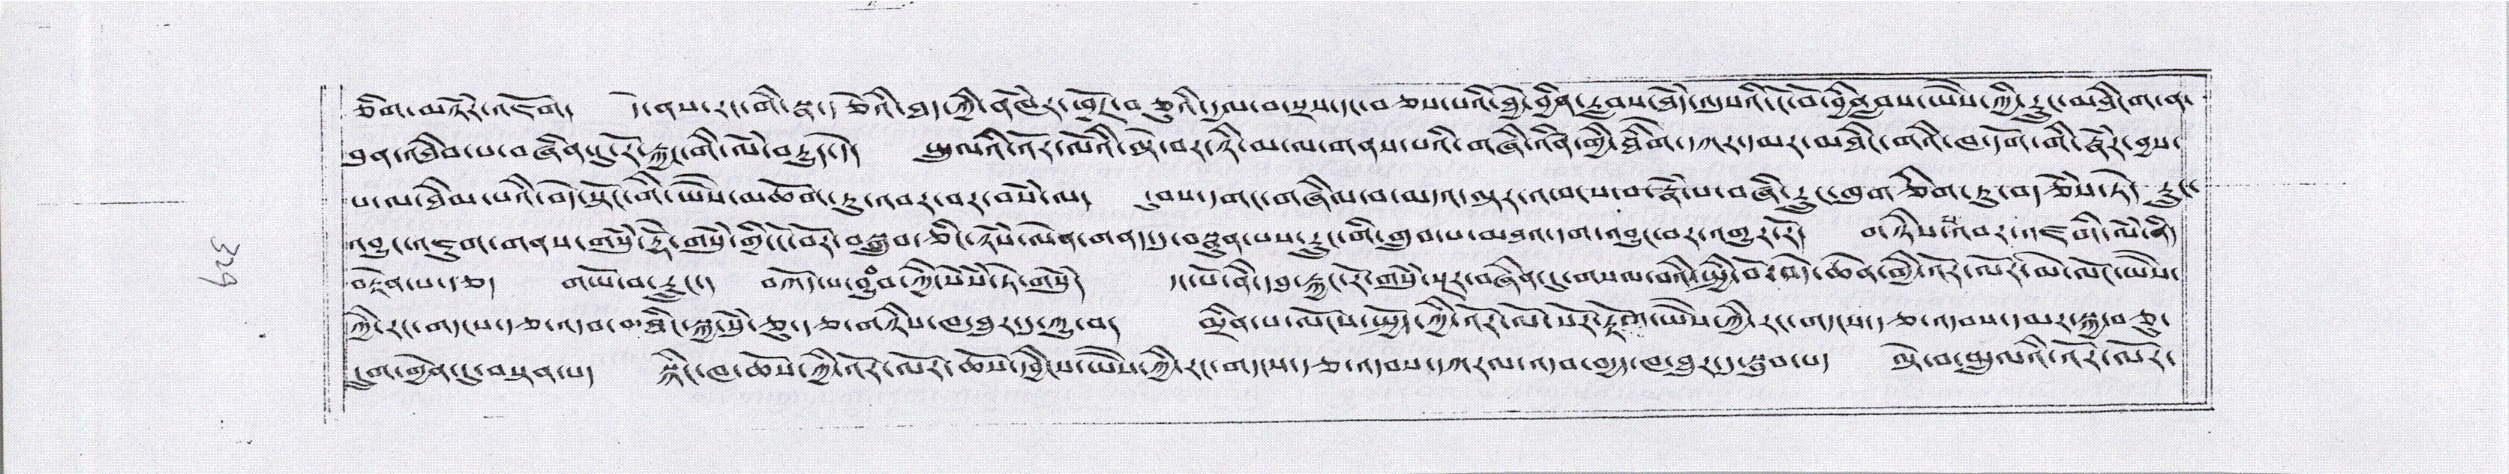ཅིག་མཉམ་པར་འཇོག དེ་ནས་རང་གི་སྣ་རྩེའི་ཐད་ཀྱི་ནམ་མཁར་ཕྱོགས་བཅུའི་རྒྱལ་བ་སྲས་དང་བཅས་པའི་ཐུགས་རྗེ་བྱིན་རླབས་ཐམས་ཅད་འདུད་པའི་ངོ་བོ་བྱིན་རླབས་ཡེ་ཤེས་ཀྱི་རླུང་མཐིང་ནག་ན་
བུན་འཐིབ་པ་བཞིན་དུ་རོ་རྐྱང་གི་ལམ་བརྒྱུད་དེ། སྤྲུལ་པའི་འོར་ལོའི་ལྟེ་བར་ཉི་མ་ལ་གནས་པའི་གཞི་འཛིན་གྱི་ཐིག་ལེ་དཀར་དམར་མཐིང་གའི་ཁ དོག་གི་རྣམ་པར་བྱས་
པ་ལ་ཐིམ་པའི་བདེ་སྟོང་གི་ཡེ་ཤེས་མཆོག་ཏུ་འབར་བར་བསམ་ལ། དབུས་དགང་གཞིལ་བ་མདའ་ལྟར་འཕངས་བ་རྣམ་པ་བཞི་རླུང་ཁུག་ཅིག་ཏུ་བརྩམས་ཏེ། རླུང་
འབྱུང་འཇུག་གནས་གསུམ་རྡོ་རྗེ་གསུམ་གྱི་ངོ་བོར་བསྒྲུབ་ཅིང་ཉམས་ལེན་གནད་དུ་བསྣུན་པས་རླུང་གི་གྲུབ་པ་མཐའ་དག་འབྱུང་བར་འགྱུར་རོ། གཉིས་པ་འབར་འཛག་གི་ལམ་ནི། 
བརྟེན་པ་རྩ། གཡོ་བ་རླུང། བཀོད་པ་བྱང་ཆུབ་ཀྱི་སེམས་ཏེ་གསུམ། དང་པོ་ནི་དབུ་རྐྱང་རོ་གསུམ་སྔར་བཞིན་དུ་གསལ་བའི་སྤྱི་བོ་བདེ་ཆེན་གྱི་འོར་ལོ་མེ་ལོང་ཡེ་ཤེས་
ཀྱི་རང་གདངས་རྩ་འདབ་མཐིང་སྐྱ་སུམ་ཅུ་རྩ་གཉིས་ཁ ཐུར་དུ་ཀྱུ་བ། མགྲིན་པ་ལོངས་སྤྱོད་ཀྱི་འཁོར་ལོ་སོར་རྟོག་ཡེ་ཤེས་ཀྱི་རང་གདངས་རྩ་འདབས་དམར་སྐྱ་བཅུ་
དྲུག་གྱེན་དུ་བསྟན་པ། སྙིང་ཁ་ཆོས་ཀྱི་འཁོར་ལོར་ཆོས་དབྱིངས་ཡེ་ཤེས་ཀྱི་རང་གདངས་རྩ་འདབས་དཀར་ལ་འདབ་བརྒྱད་ཁ་ཐུར་དུ་སྦུབ་པ། ལྟེ་བ་སྤྲུལ་པའི་འཁོར་ལོར་